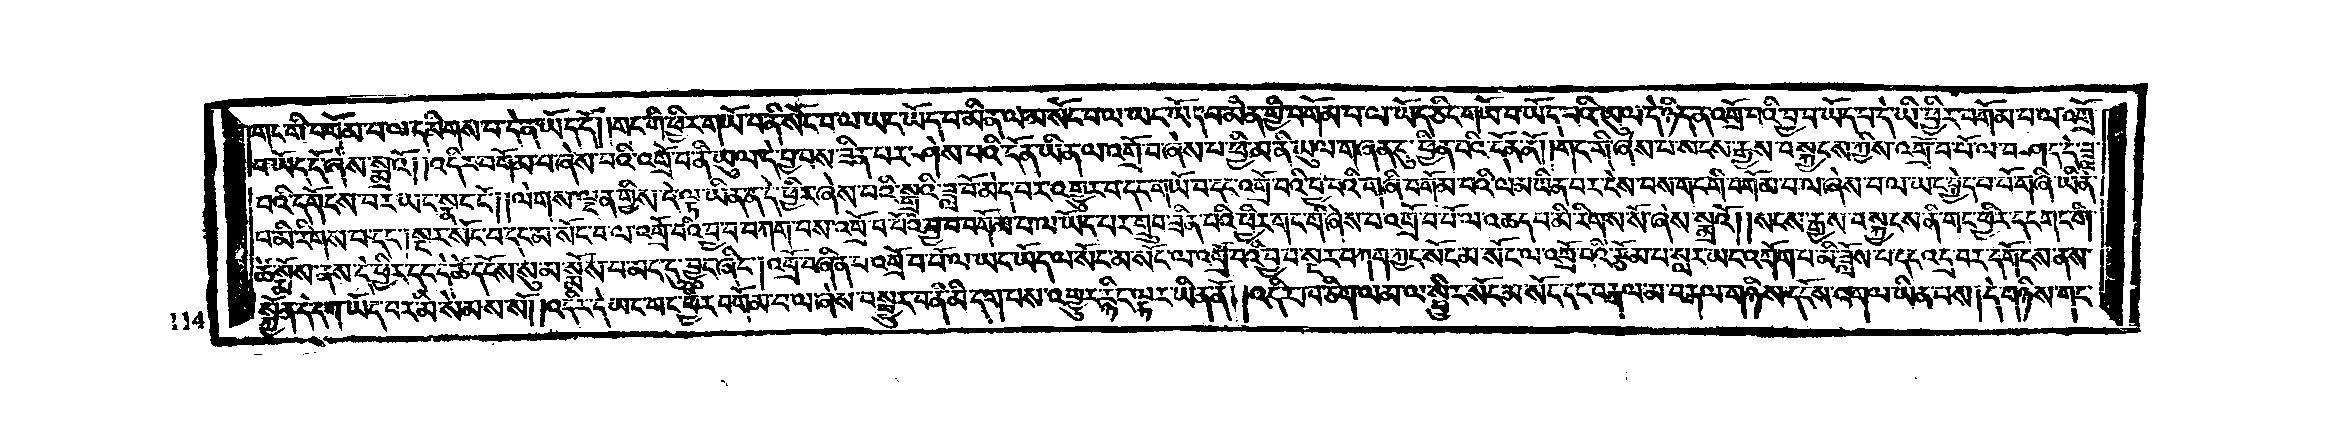གང་གི་བགོམ་པ་ལ་དམིགས་པ་དེ་ན་ཡོད་དོ། །གང་གི་ཕྱིར་གཡོ་བ་ནི་སོང་བ་ལ་ཡང་ཡོད་པ་མིན་ལ་མ་སོང་བ་ལ་ཡང་ཡོད་པ་མིན་གྱི་བགོམ་པ་ལ་ཡོད་ཅིང་གཡོ་བ་ཡོད་པའི་ཡུལ་དེ་ཉིད་ན་འགྲོ་བའི་བྱ་བ་ཡོད་པ་དེ་ཡི་ཕྱིར་བགོམ་པ་ལ་འགྲོ་
བ་ཡོད་དོ་ཞེས་སྨྲའོ། །འདིར་བགོམ་པ་ཞེས་པའི་འགྲོ་བ་ནི་ཡུལ་དེ་བྱ་བས་ཟིན་པར་ཤེས་པའི་དོན་ཡིན་ལ་འགྲོ་བ་ཞེས་པ་ཕྱི་མ་ནི་ཡུལ་གཞན་དུ་ཕྱིན་པའི་དོན་ནོ། །གང་གི་ཞེས་པ་སངས་རྒྱས་པ་སྐྱངས་ཀྱིས་འགྲོ་བ་པོ་ལ་བཤད་དེ་ཟླ་
བའི་དགོངས་པར་ཡང་སྣང་ངོ། །ལེགས་ལྡན་གྱིས་དེ་ལྟ་ཡིན་ན་དེ་ཕྱིར་ཞེས་པའི་སྒྲའི་ཟླ་བོ་མེད་པར་འགྱུར་བ་དང་གཡོ་བ་དང་འགྲོ་བའི་བྱ་བའི་གཞི་བགོམ་པའི་ལམ་ཡིན་པར་ངེས་པས་གང་གི་བགོམ་པ་ལ་ཞེས་པ་ལ་ཡང་བྱེད་པ་པོ་གཞི་ཡིན་
པ་མི་རིགས་པ་དང་། སྔར་སོང་བ་དང་མ་སོང་བ་ལ་འགྲོ་བའི་བྱ་བ་བཀག་པས་འགྲོ་བ་པོའི་བྱ་བ་བགོམ་པ་ལ་ཡོད་པར་གྲུབ་ཟིན་པའི་ཕྱིར་གང་གི་ཞེས་པ་འགྲོ་བ་པོ་ལ་འཆད་པ་མི་རིགས་སོ་ཞེས་སྨྲའོ། །སངས་རྒྱས་བསྐྱངས་ནི་གང་ཕྱིར་དང་གང་གི་
ཚེ་སྨོས་ནས་དེ་ཕྱིར་དང་དེ་ཚེ་དངོས་སུ་མ་སྨོས་པ་མང་དུ་བྱུང་ཞིང་། འགྲོ་བཞིན་པ་འགྲོ་བ་པོ་ལ་ཡང་ཡོད་ལ་སོང་མ་སོང་ལ་འགྲོ་བའི་བྱ་བ་སྔར་བཀག་ཀྱང་སོང་མ་སོང་ལ་འགྲོ་བའི་རྩོམ་པ་སླར་ཡང་འགོག་པ་མི་ཟློས་པ་དང་འདྲ་བར་དགོངས་ནས་
སྐྱོན་དེ་དག་ཡོད་པར་མི་སེམས་སོ། །འདིར་དེ་ཡང་གང་ཕྱིར་བགོམ་པ་ལ་ཞེས་བསྒྱུར་བ་ནི་མི་དག་པས་འགྱུར་རྙིང་ལྟར་ཡིན་ནོ། །འདིར་ཁ་ཅིག་ལམ་ལ་སྤྱིར་སོང་མ་སོང་དང་བརྒལ་མ་གཉིས་དངོས་འགལ་ཡིན་པས། དེ་གཉིས་གང་